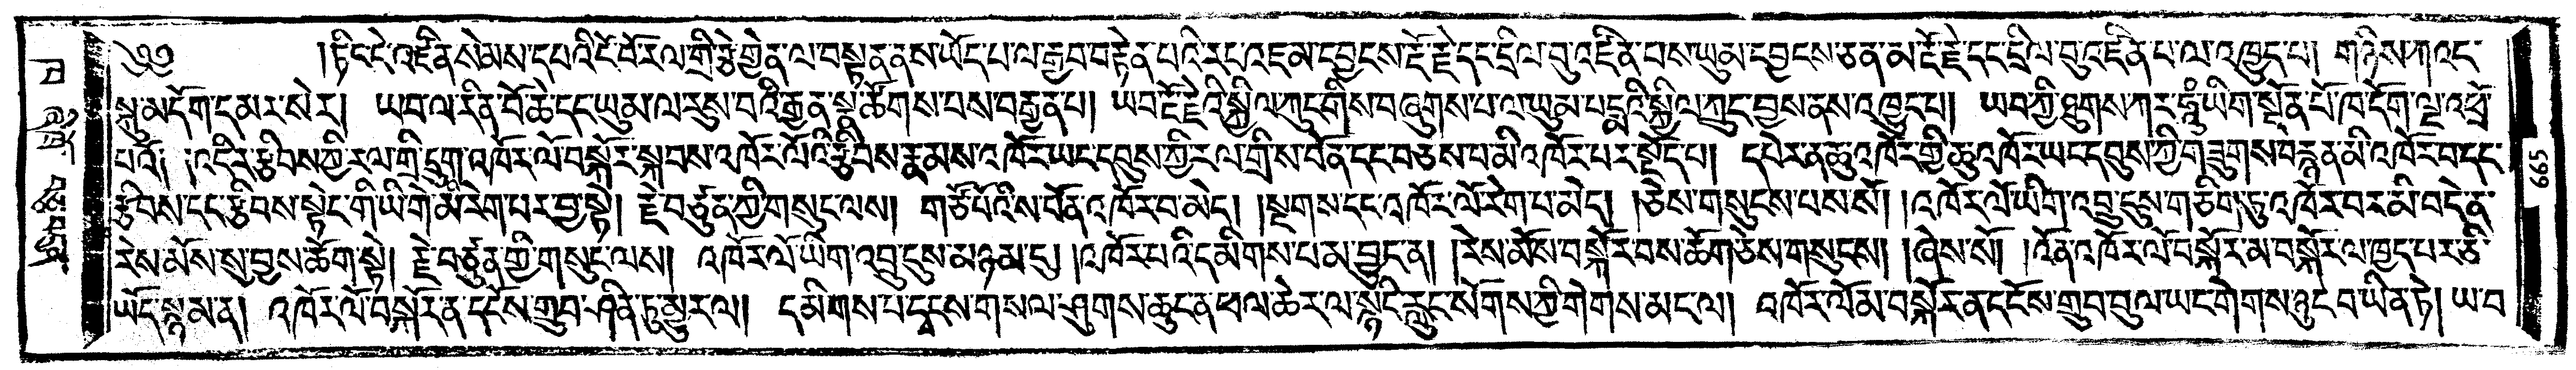༄༅། །ཏིང་ངེ་འཛིན་སེམས་དཔའི་ངོ་བོ་རལ་གྲི་རྩེ་གྱེན་ལ་བསྟན་ནས་ཡོད་པ་ལ་རྒྱབ་བརྟེན་པའི་རང་འཇམ་དབྱངས་རྡོ་རྗེ་དང་དྲིལ་བུ་འཛིན་པས་ཡུམ་དབྱངས་ཅན་མ་རྡོ་རྗེ་དང་དྲིལ་བུ་འཛིན་པ་ལ་འཁྱུད་པ། གཉིས་ཀའང་
སྐུ་མདོག་དམར་སེར། ཡབ་ལ་རིན་པོ་ཆེ་དང་ཡུམ་ལ་རུས་བའི་རྒྱན་སྣ་ཚོགས་པས་བརྒྱན་པ། ཡབ་རྡོ་རྗེའི་སྐྱིལ་ཀྲུང་གིས་བཞུགས་པ་ལ་ཡུམ་པདམའི་སྐྱིལ་ཀྲུང་བྱས་ནས་འཁྱུད་པ། ཡབ་ཀྱི་ཐུགས་ཀར་ཧཱུཾ་ཡིག་སྔོན་པོ་ཁ་དོག་ལྔ་འཕྲོ་
པའོ༑ ༑འདིར་རྩིབས་ཀྱི་རལ་གྲི་དྲུག་འཁོར་ལོ་བསྐོར་སྐབས་འཁོར་ལོའི་རྩིབས་རྣམས་འཁོར་ཡང་དབུས་ཀྱི་རལ་གྲི་ས་བོན་དང་བཅས་པ་མི་འཁོར་པར་སྡོད་པ། དཔེར་ན་ཆུ་འཁོར་གྱི་ཆུ་འཁོར་ཡང་དབུས་ཀྱི་གཟུགས་བརྙན་མི་འཁོར་བ་དང་
རྩིབས་དང་རྩིབས་སྟེང་གི་ཡི་གེ་མི་རེག་པར་བྱ་སྟེ། རྗེ་བཙུན་ཀྱི་གསུང་ལས། གཙོ་བོའི་ས་བོན་འཁོར་བ་མེད། །སྔགས་དང་འཁོར་ལོ་རེག་པ་མེད། །ཅེས་གསུངས་པས་སོ། །འཁོར་ལོ་ཡིག་འབྲུ་དུས་གཅིག་ཏུ་འཁོར་བར་མི་བདེན་
རེས་མོས་སུ་བྱས་ཆོག་སྟེ། རྗེ་བཙུན་གྱི་གསུང་ལས། འཁོར་ལོ་ཡིག་འབྲུ་དུས་མཉམ་དུ། །འཁོར་པའི་དམིགས་པ་མ་བྱུང་ན། །རེས་མོས་བསྐོར་བས་ཆོག་ཅེས་གསུངས། །ཞེས་སོ། །འོ་ན་འཁོར་ལོ་བསྐོར་མ་བསྐོར་ལ་ཁྱད་པར་ཅི་
ཡོད་སྙམ་ན། འཁོར་ལོ་བསྐོར་ན་དངོས་གྲུབ་ཤིན་ཏུ་མྱུར་ལ། དམིགས་པ་དྭངས་གསལ་ཤུགས་ཆུང་ན་ཕལ་ཆེར་ལ་སྙིང་རླུང་སོགས་ཀྱི་གེགས་མང་ལ། འཁོར་ལོ་མ་བསྐོར་ན་དངོས་གྲུབ་བུལ་ཡང་གེགས་ཉུང་བ་ཡིན་ཏེ། ཡ་བ་